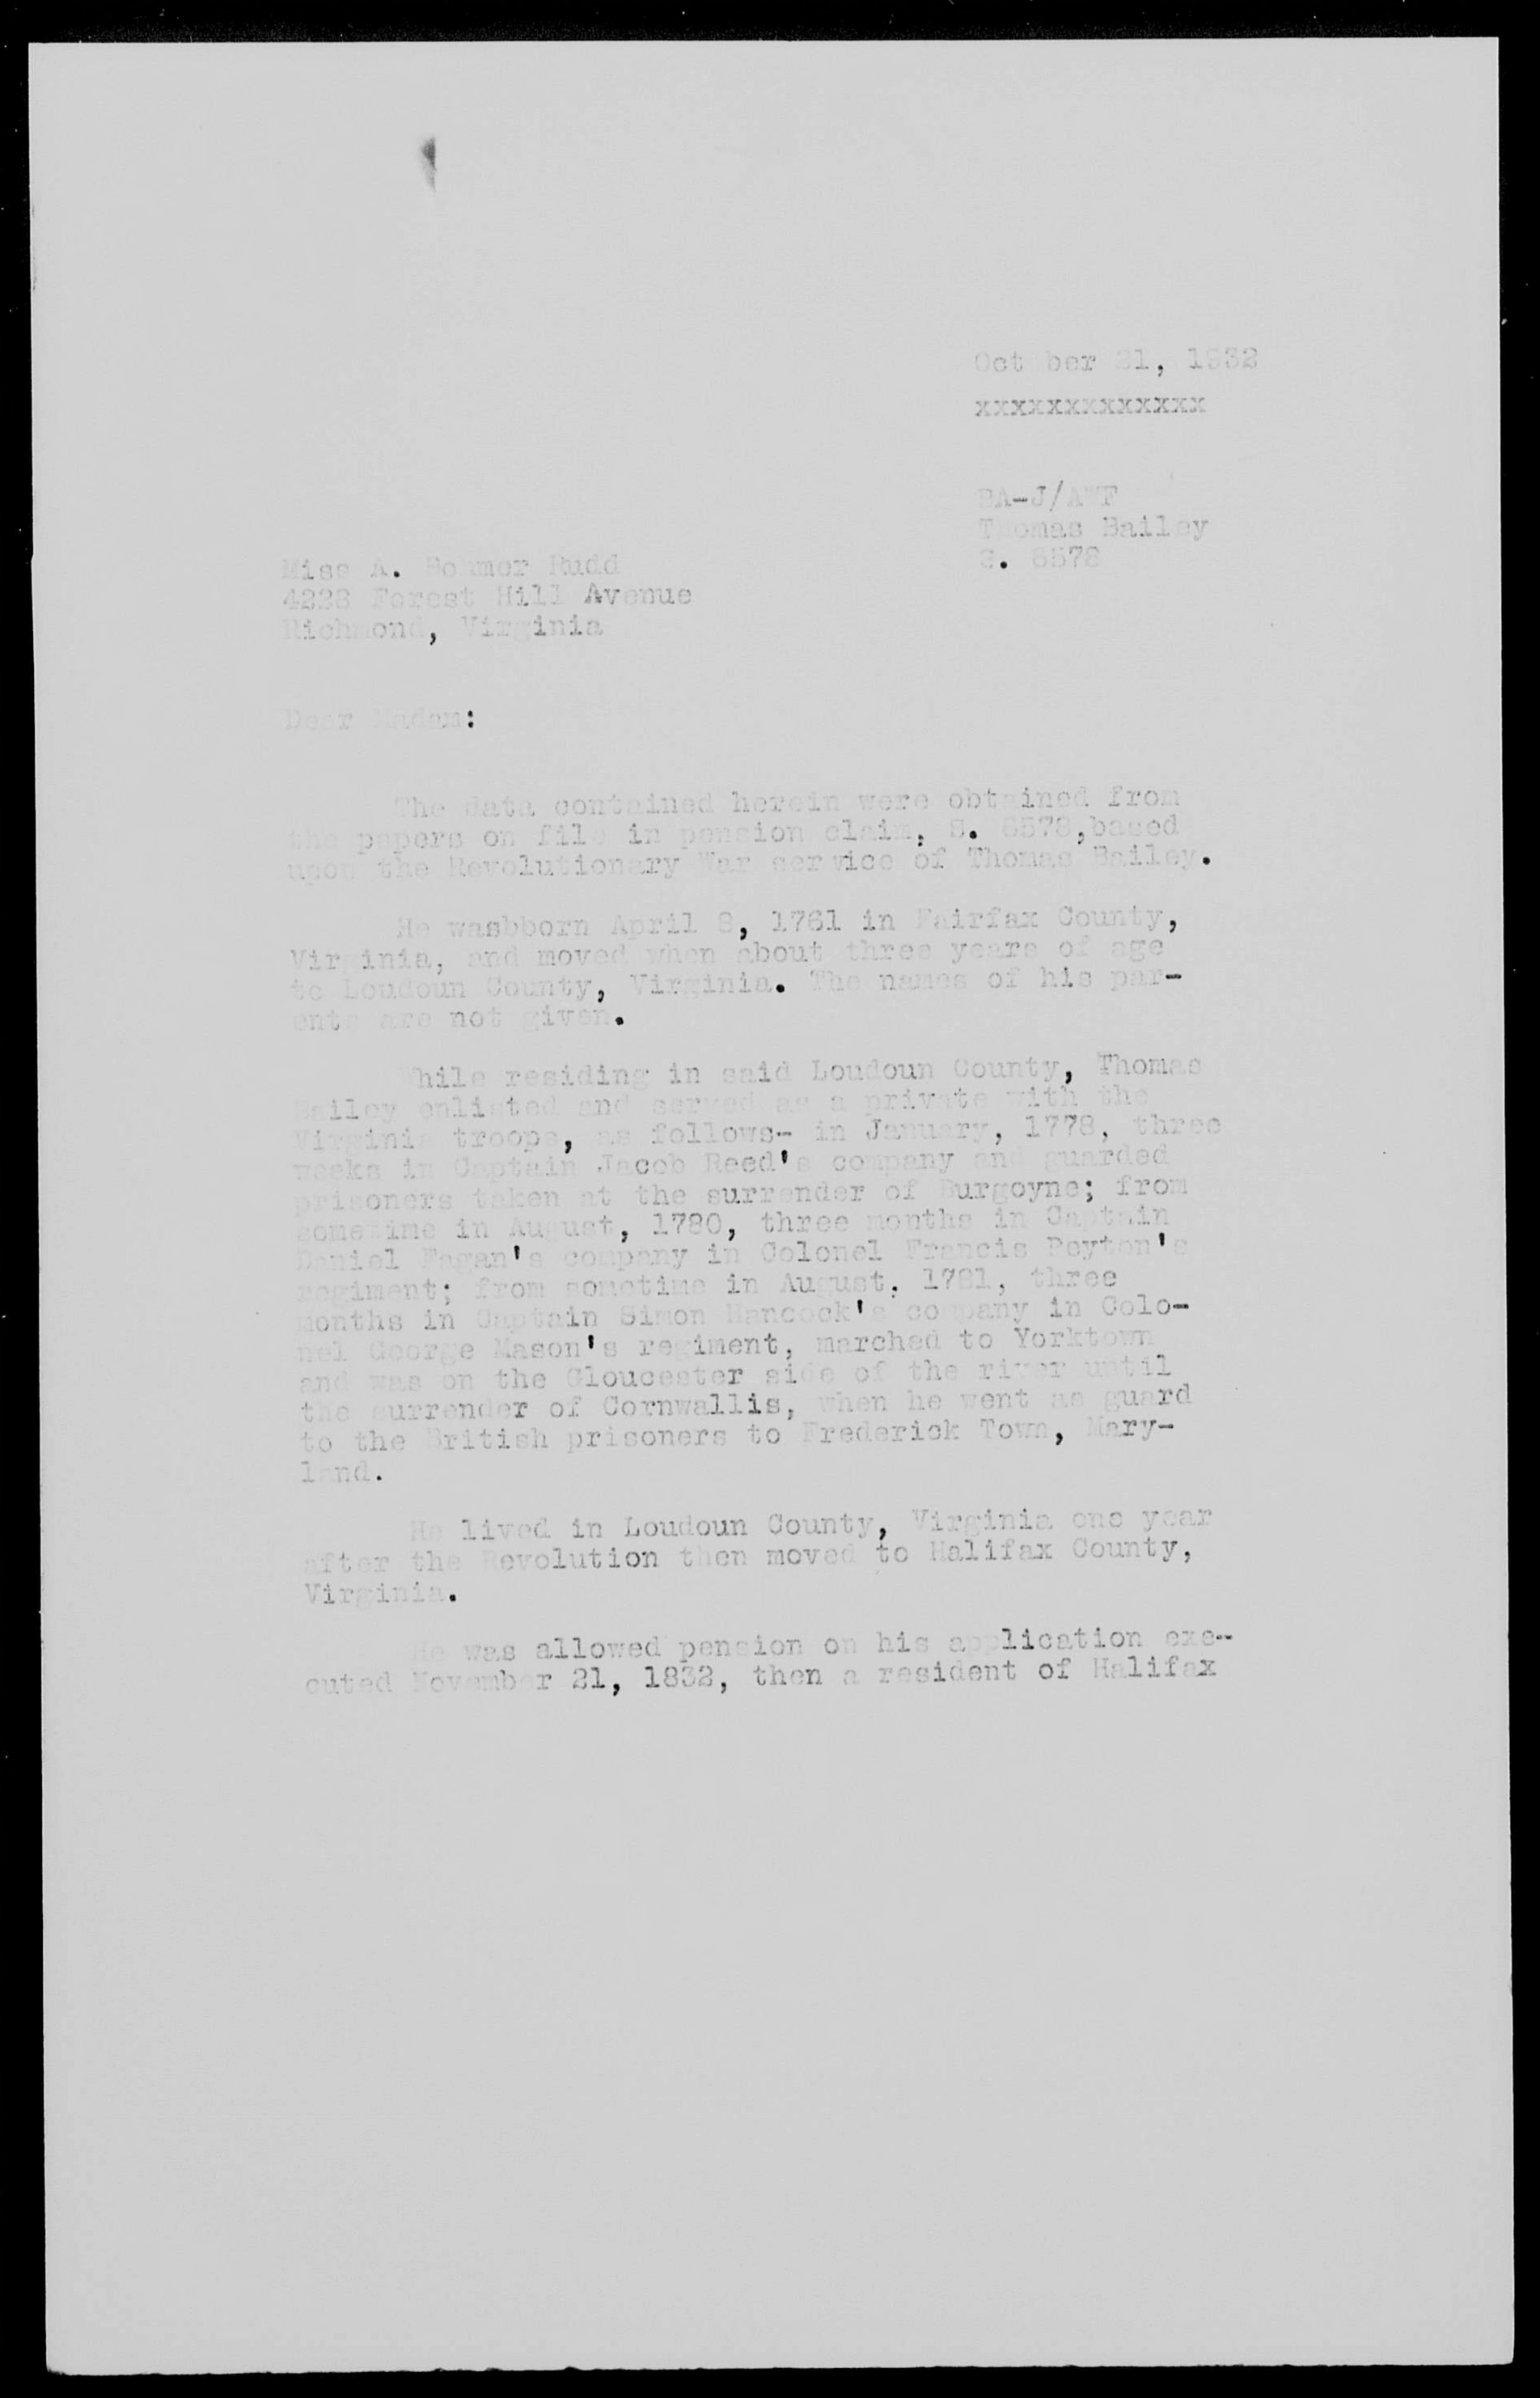October 21, 1932
XXXXXXXXXXXXX
BA-J/AWF
Thomas Bailey
S.6578

Miss A. Bohmer Rudd
4228 Forest Hill Avenue
Richmond, Virginia

Dear Madam:
   The data contained herein were obtained from
the papers on file in pension claim, S.6578, based
upon the Revolutionary War service of Thomas Bailey.
  He was born April 8, 1761 in Fairfax County,
Virginia, and moved when about three years of age
to Loudoun County, Virginia.  The names of his par-
ents are not given.
   While residing in said Loudoun County, Thomas
Bailey enlisted and served as a private with the
Virginia troops, as follows - in January, 1778, three
weeks in Captain Jacob Reed's company and guarded
prisoners taken at the surrender of Burgoyne; from
sometime in August, 1780, three months in Captain
Daniel Fagan's company in Colonel Francis Peyton's
regiment; from sometime in August, 1781, three
months in Captain Simon Hancock's company in Colo-
nel George Mason's regiment, marched to Yorktown
and was on the Gloucester side of the river until
the surrender of Cornwallis, when he went as guard
to the British prisoners to Frederick Town, Mary-
land.
   He lived in Loudoun County, Virginia one year
after the Revolution then moved to Halifax County,
Virginia.
   He was allowed pension on his application exe-
cuted November 21, 1832, then a resident of Halifax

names: A Bramer Rudd, Thomas Bailey, Thomas Bailey, Thomas Bailey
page: 9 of 18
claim: survivor's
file: S. 6578, Thomas Bailey, Va.